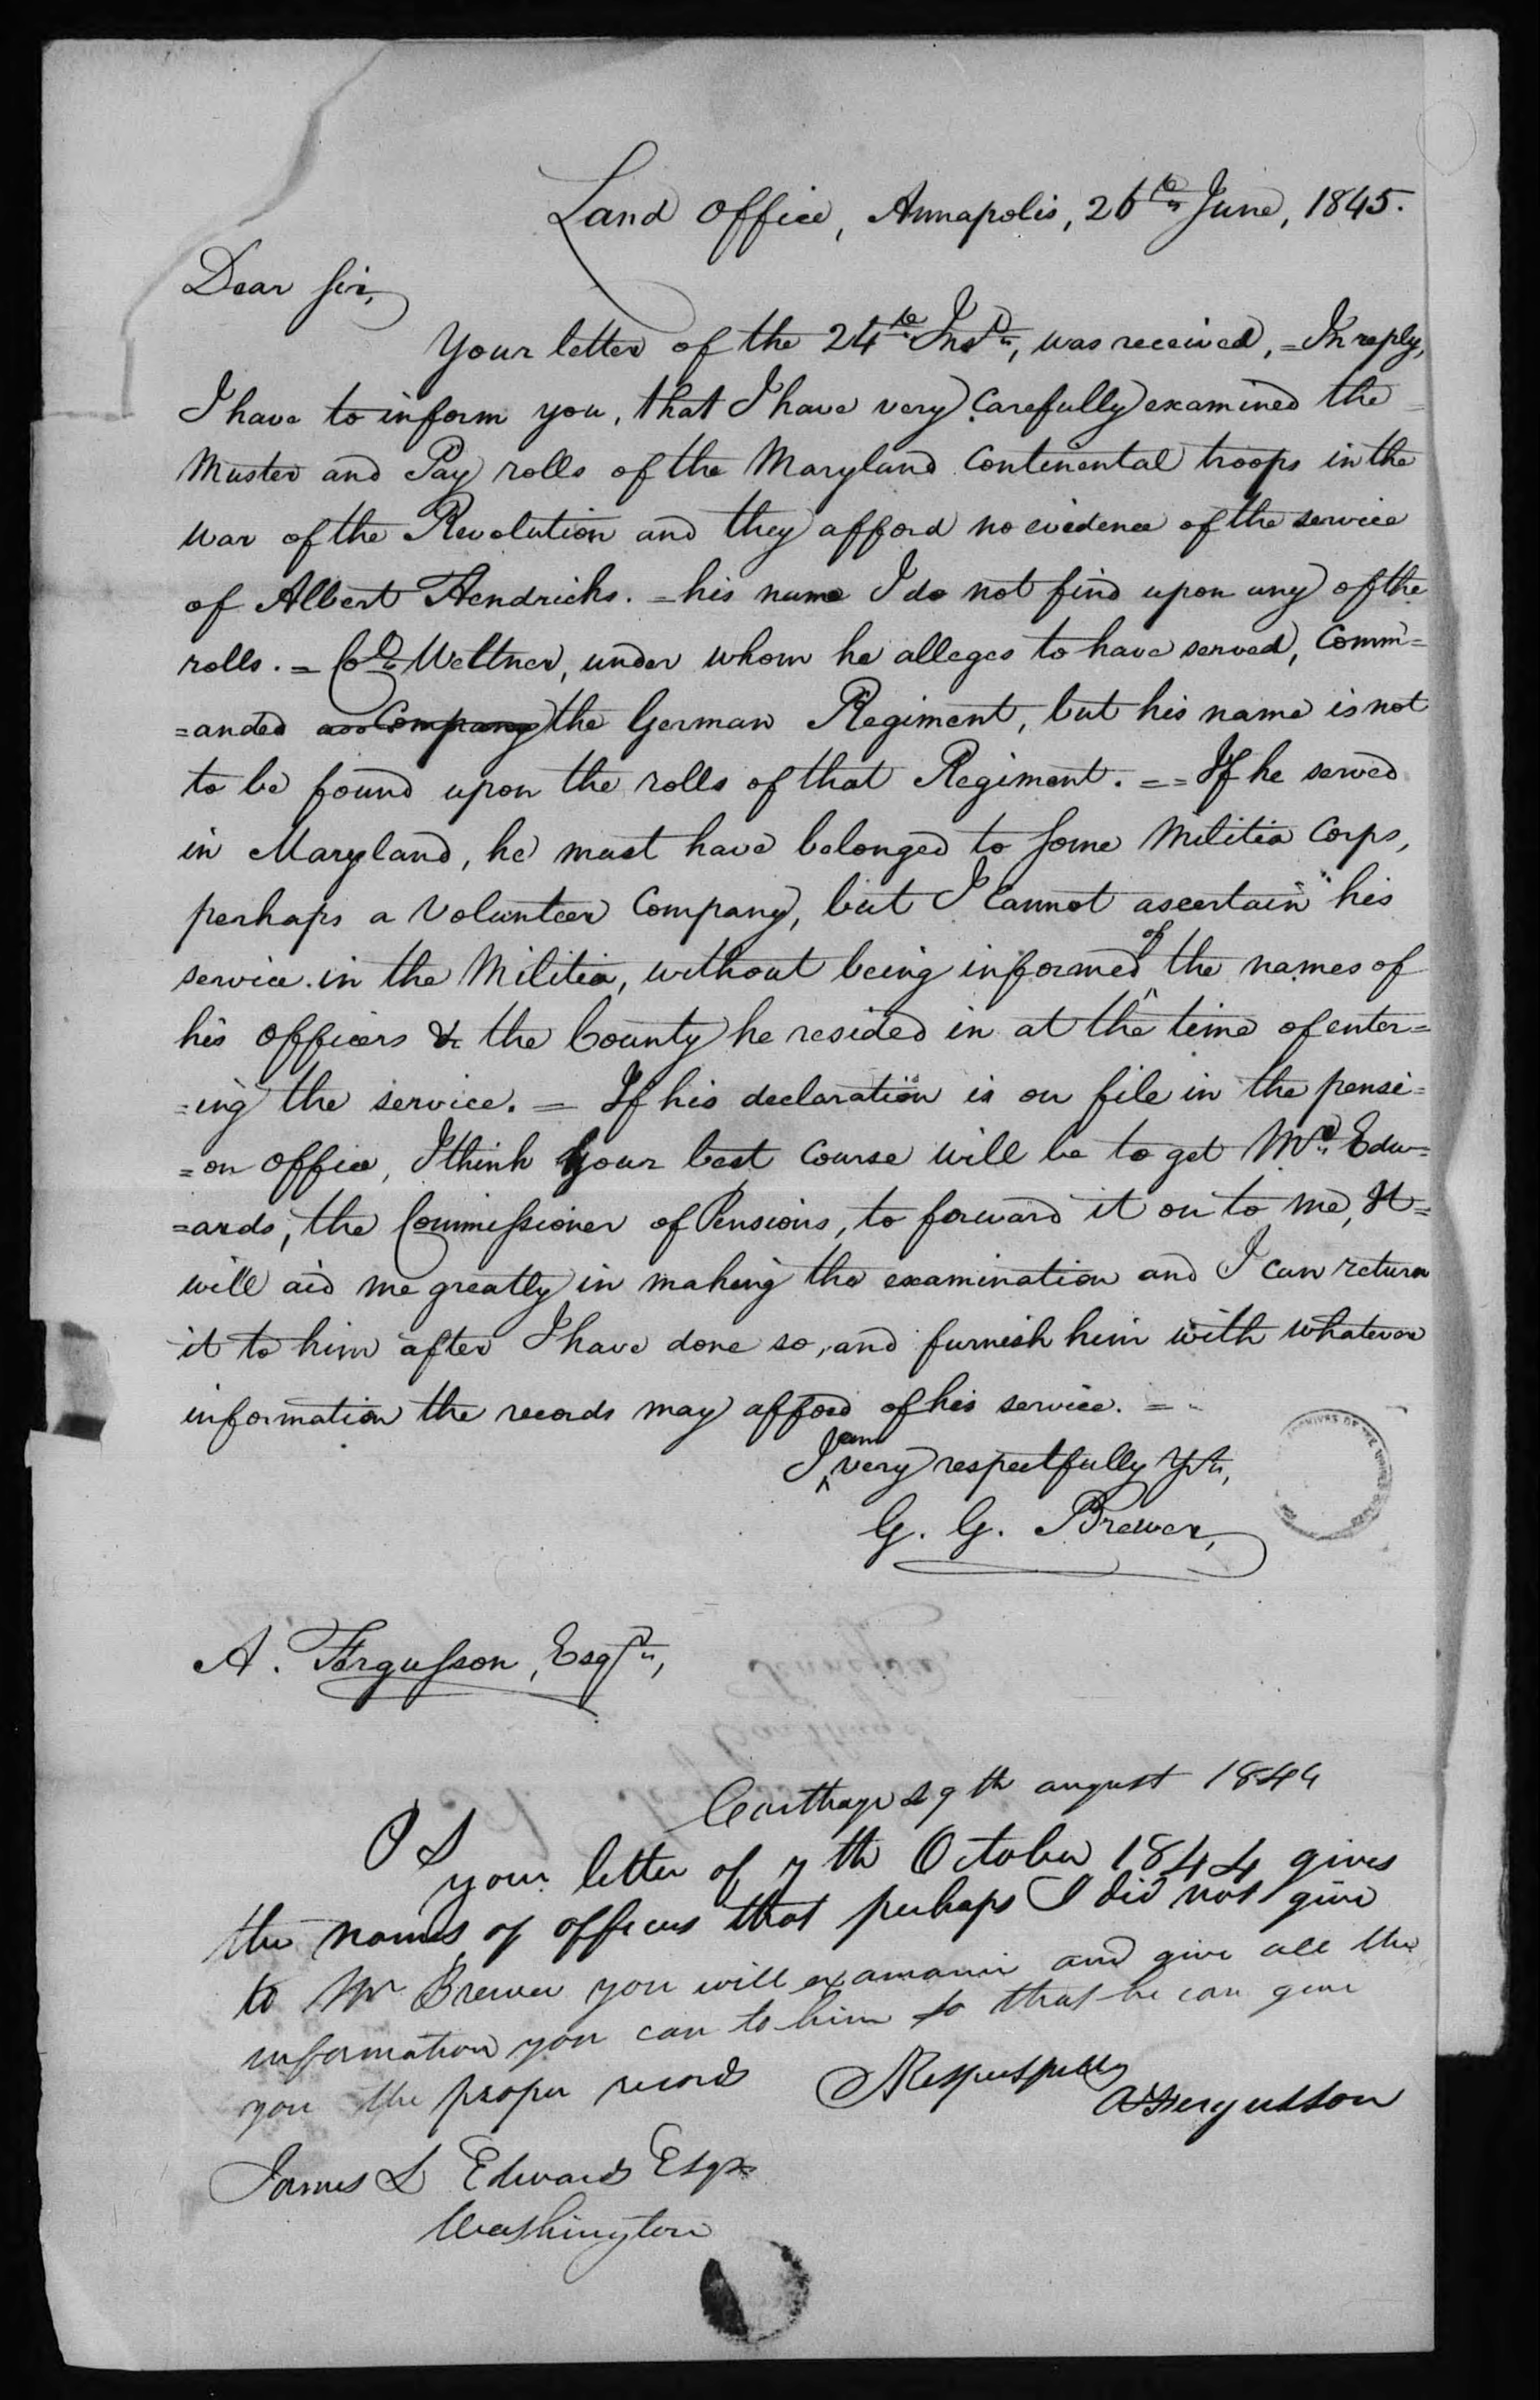Land Office, Annapolis, 26th June, 1845.

Dear Sir,

Your letter of the 24th Inst., was received.  In reply, 
I have to inform you, that I have very carefully examined the 
Muster and Pay rolls of the Maryland Continental troops in the 
war of the Revolution and they afford no evidence of the service 
of Albert Hendricks, his name I do not find upon any of the 
rolls.  Col. Weltner, under whom he alleges to have served, comm
anded [struck out: a Company] the German Regiment, but his name is not 
to be found upon the rolls of that Regiment.  If he served 
in Maryland, he must have belonged to some militia corps, 
perhaps a volunteer company, but I cannot ascertain his 
service in the militia, without being informed of the names of 
his officers & the county he resided in at the time of enter
ing the service.  If his declaration is on file in the pensi
on office, I think your best course will be to get Mr. Edw
ards, the Commissioner of Pensions, to forward it on to me.  It 
will aid me greatly in making the examination and I can return 
it to him after I have done so, and furnish him with whatever 
information the records may afford of his service.
I am very respectfully Yrs,
G. G. Brewer 
[Circular stamp of National Archives]
THE NATIONAL ARCHIVES OF THE UNITED STATES

A. Fergusson, Esqr.

PS  Carthage 29th August 1849
Your letter of 7th October 1844 gives 
the names of officers that perhaps I did not give 
to Mr Brewer you will examine and give all the 
information you can to him so that he can give 
you the proper records
Respectfully 
A Fergusson 

James L Edwards Esqr
Washington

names: Albert Hendricks, Brewer, James L Edwards, A Fergusson, A Fergusson, Weltner, Edwards, G G Brewer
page: 52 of 76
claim: widow's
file: W. 83, Albert Hendricks, Continental Md. N.C.